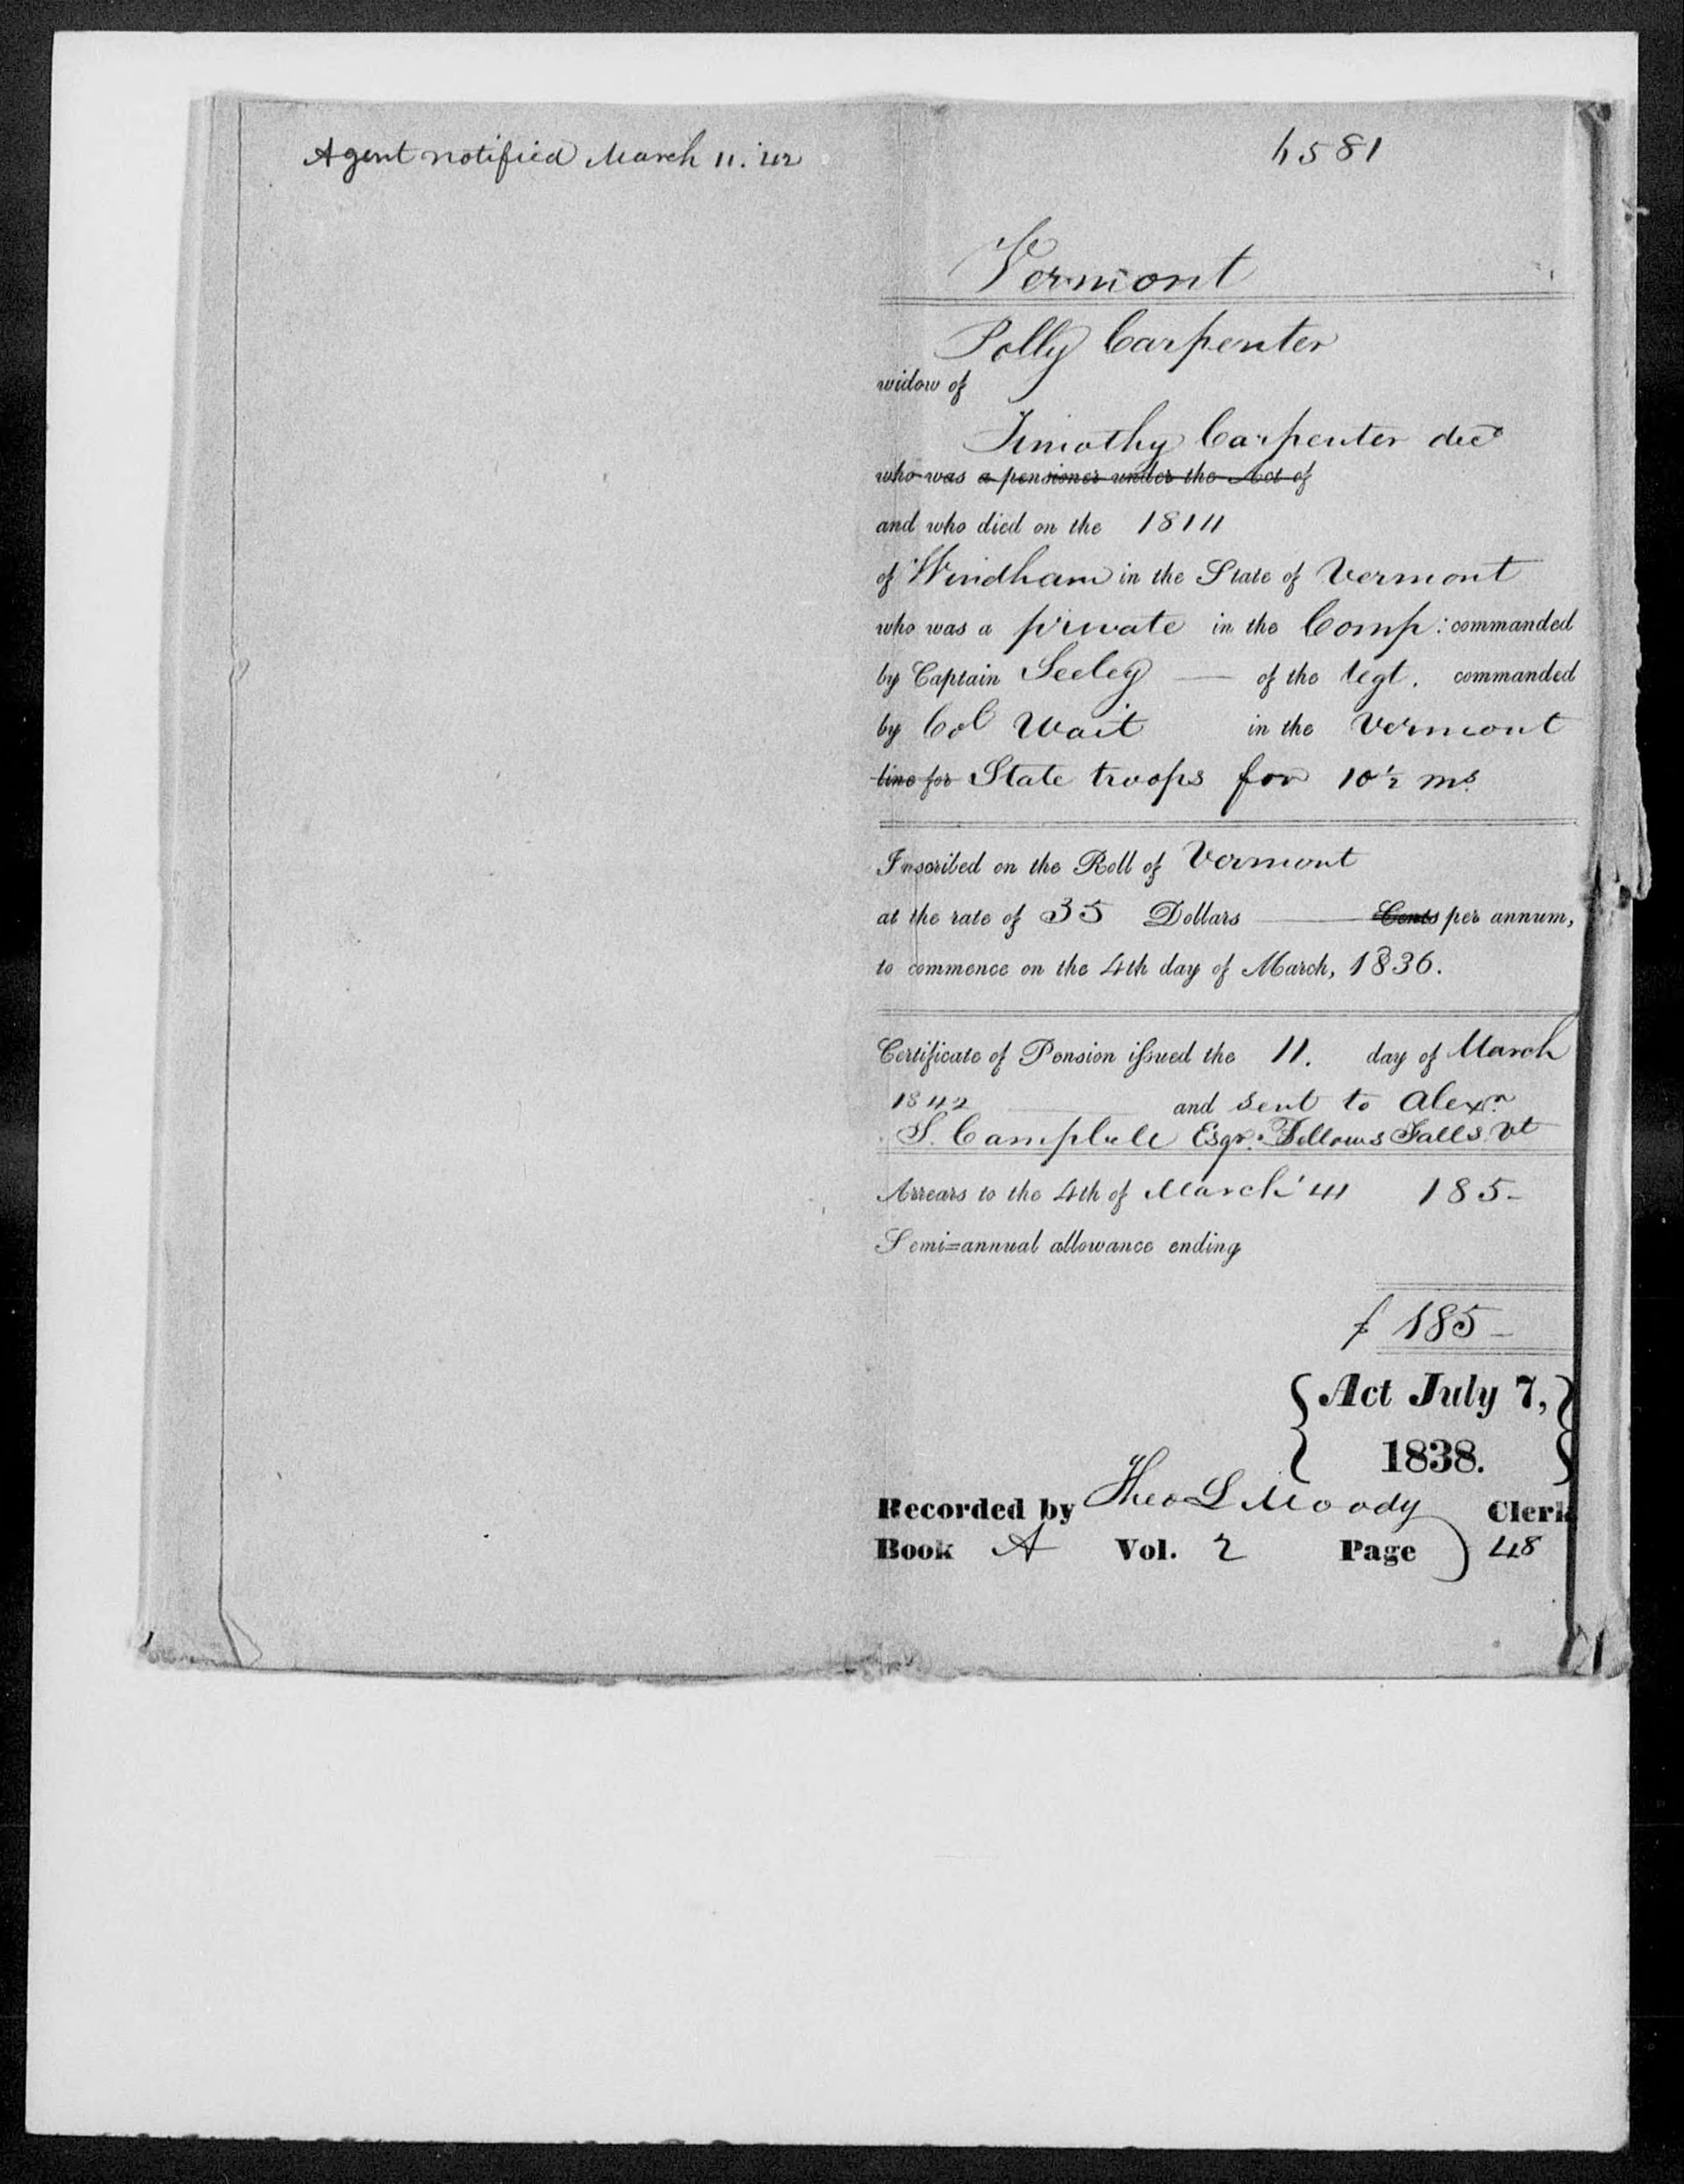[verso]
Agent notified March 11, '42

[recto]
6581

Vermont
Polly Carpenter widow of Timothy Carpenter dec'd ['who was a pensioner under the Act of' crossed out] and who died on the 1814 of Windham in the State of Vermont who was a private in the Comp: commanded by Captain Seeley of the regt. commanded by Col Wait in the Vermont ['line for' crossed out] State troops for 10 1/2 m's
______
Inscribed on the roll of Vermont at the rate of 35 Dollars - ['Cents' crossed out] per annum, to commence on the 4th day of March, 1836.
______
Certificate of Pension issued the 11. day of March 1842 and sent to Alex'r S. Campbell Esqr. Bellows Falls, Vt
______
Arrears to the 4th of March '41  185 - 
Semi=annual allowance ending
$185 - 
[Act July 7, 1838.}
Recorded by Theo L Moody Clerk
Book A Vol. 2 Page 48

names: Wait, Seeley, Polly Carpenter, Timothy Carpenter, Alexr S Campbell, Theo L Moody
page: 18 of 41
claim: widow's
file: W. 15627, Timothy Carpenter, Vt.